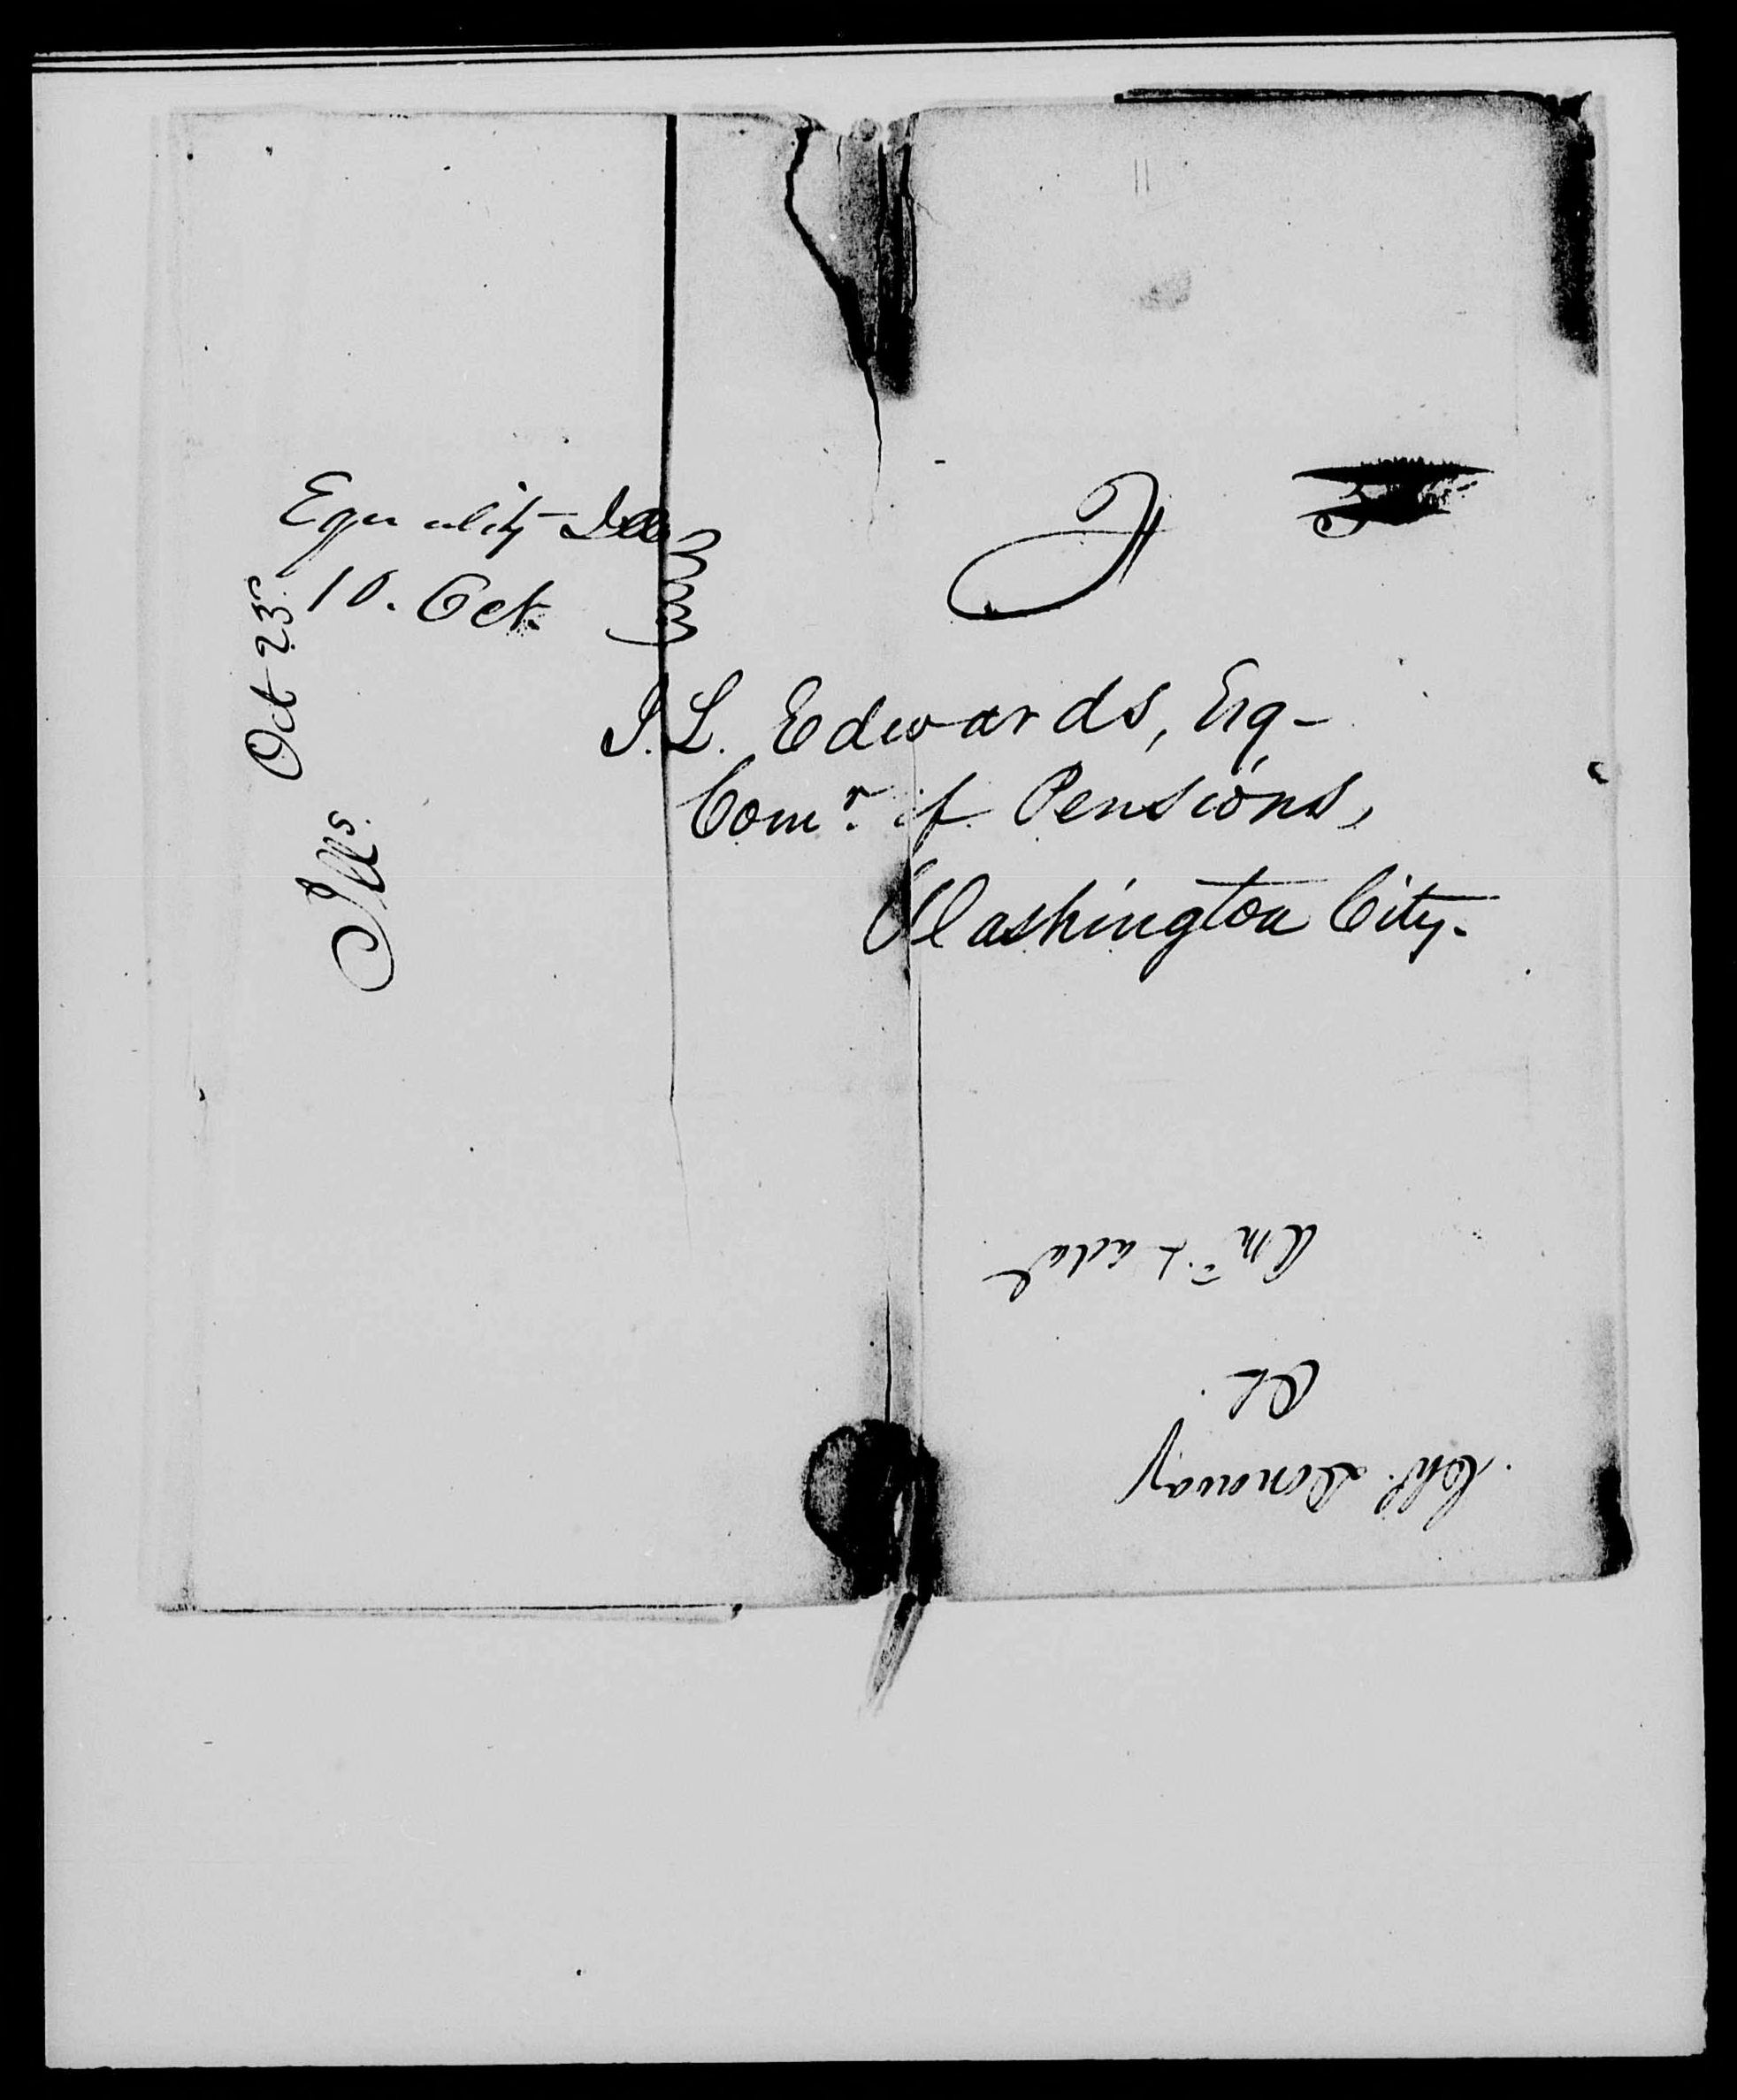Equality Ill F
10. Oct.
J. L. Edwards, Esq
Comr. of Pensions,
Washington City.

Oct 23d
Ills.

Chs. Donoway
OL.
Amd Decl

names: Chs Donoway, J L Edwards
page: 24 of 29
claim: rejected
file: R. 3010, Charles Donaway, Va.